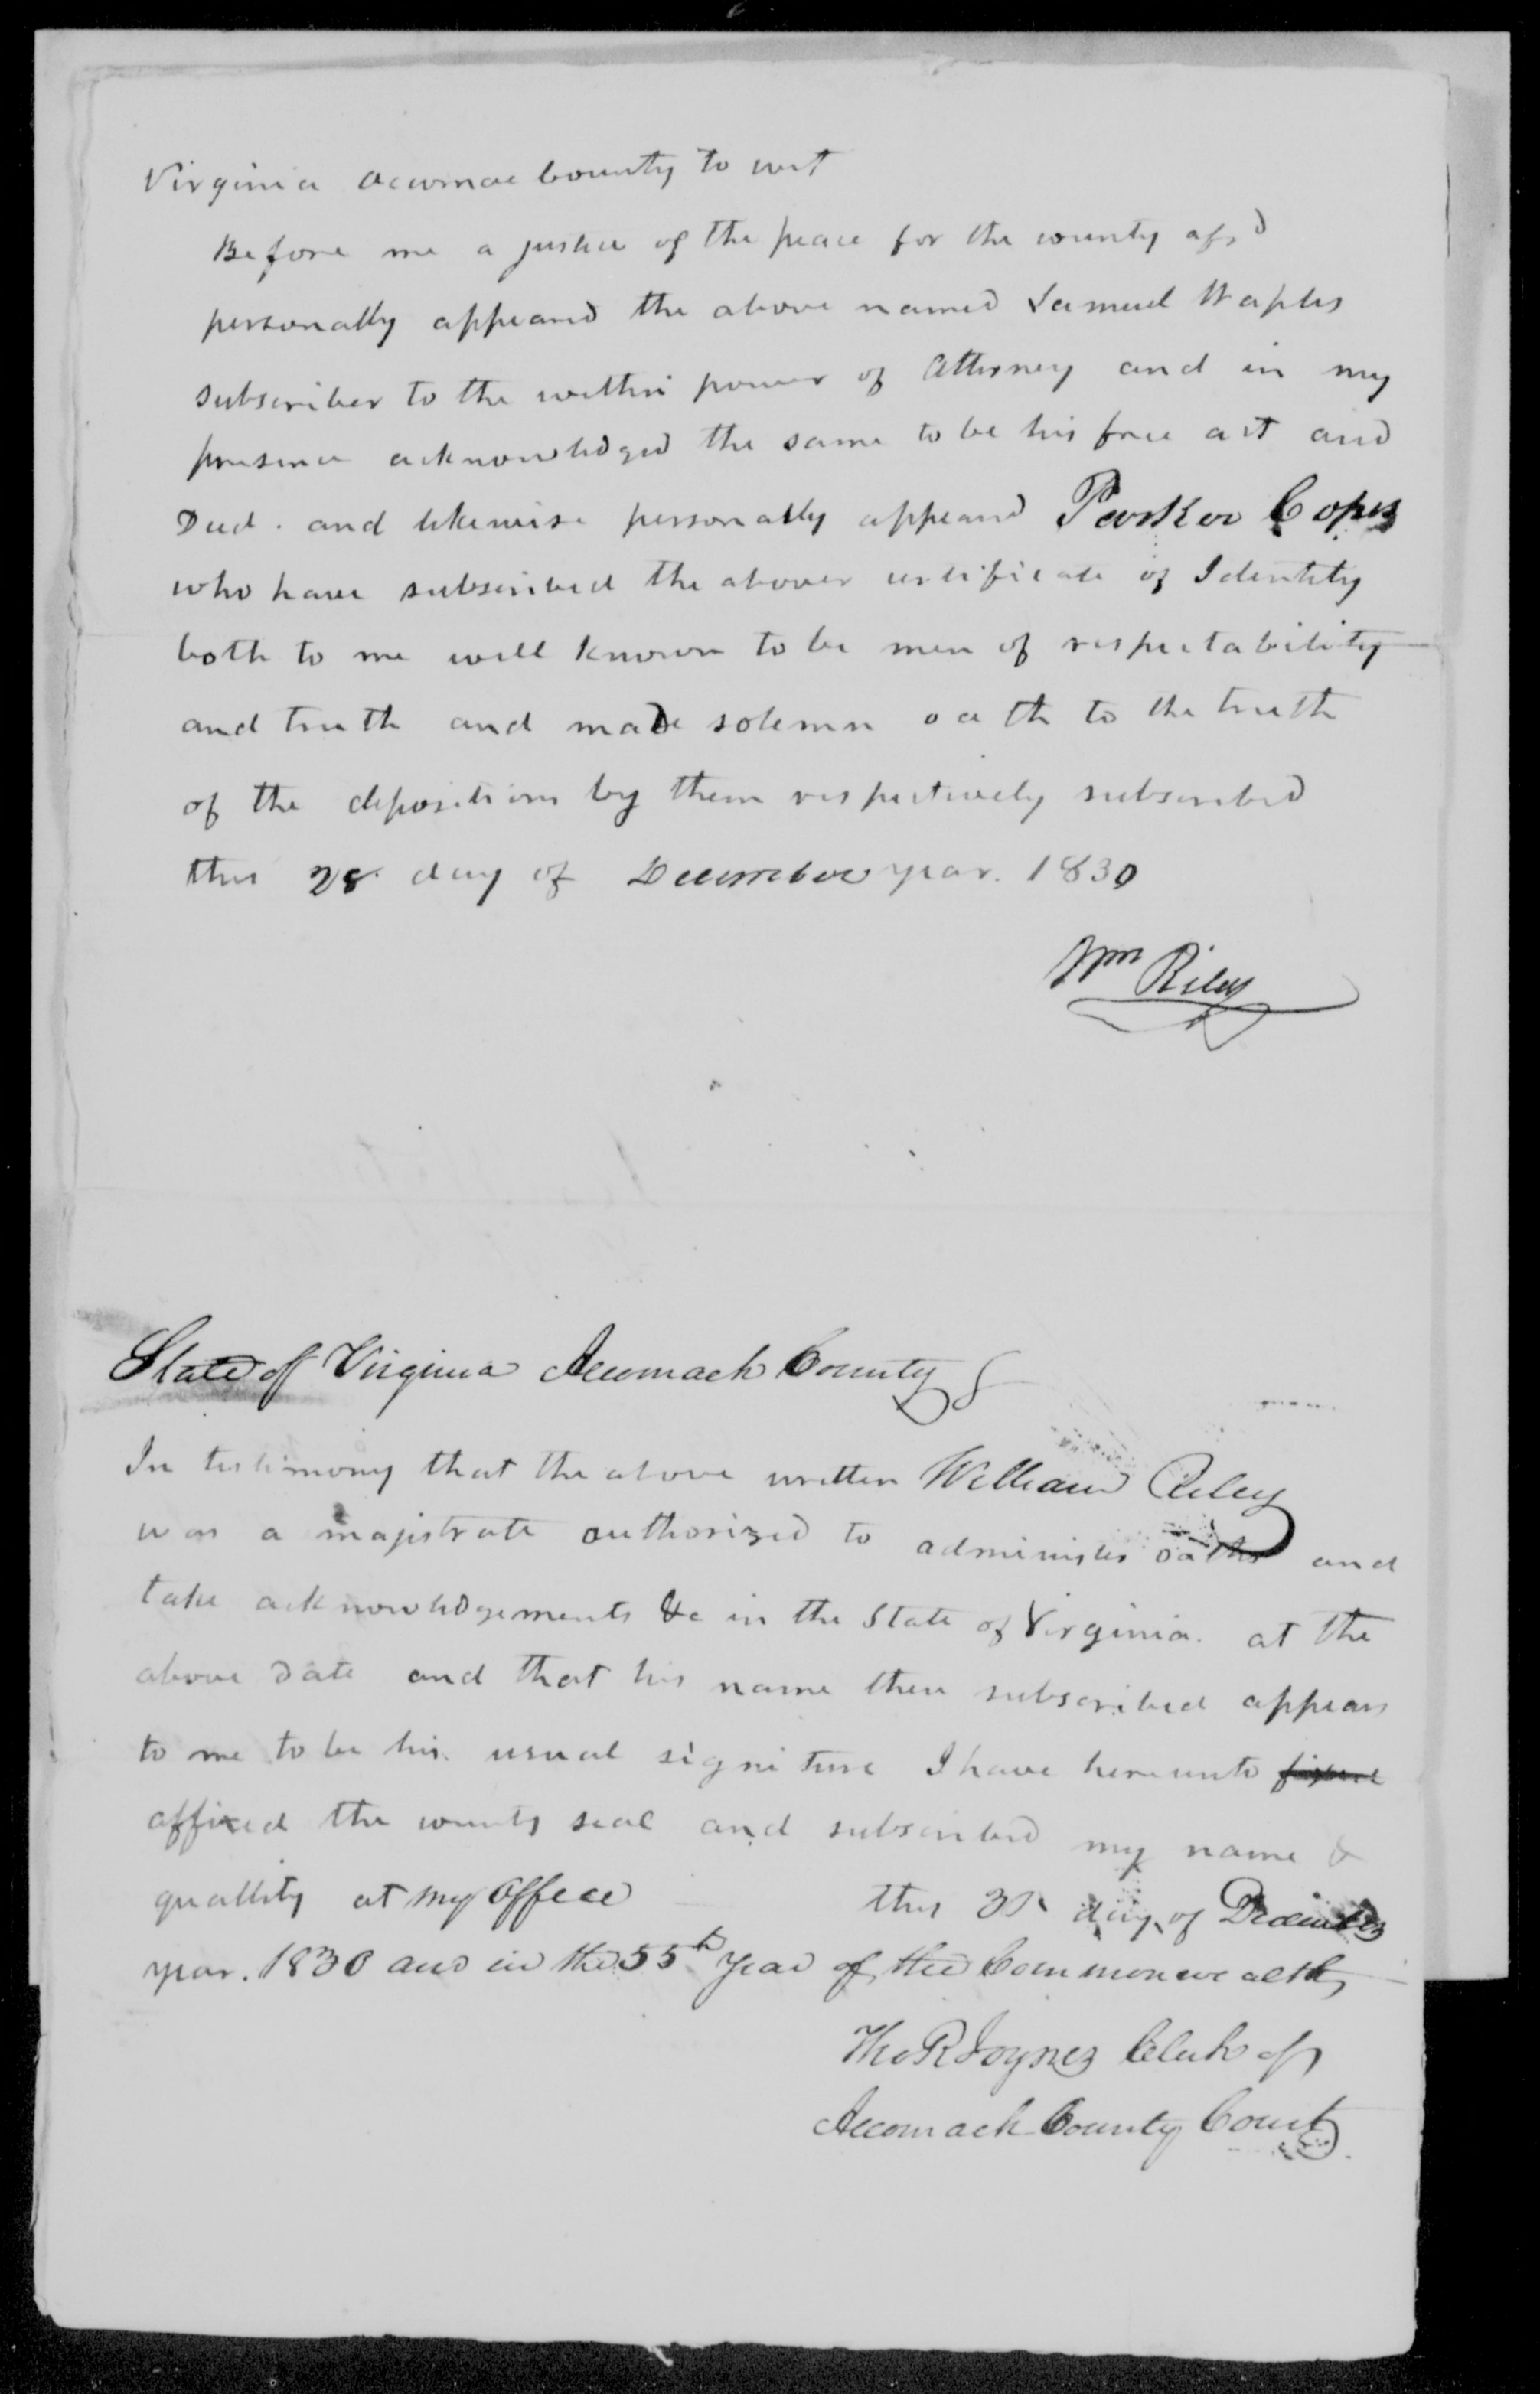Virginia Accomac County to wit
Before me a Justice of the peace for the County afsd personally appeared the above named Samuel Waples subscriber to the within power of attorney and in my presence acknowledged the same to be his free act and Deed and likewise personally appeared Parker Copes who have subscribed the above certificate of Identity both to me well known to be men of respectability and truth and made solemn oath to the truth of the depositions by them respectively subscribed this 28 day of December year, 1830
Wm Riley

State of Virginia Accomack County ss
In testimony that the above written William Riley was a magistrate authorized to administer oaths and take acknowledgements &c in the State of Virginia at the above date and that his name then subscribed appears to me to be his usual signature I have hereunto affixed the county seal and subscribed my name and quallity at my office this 30th day of December year 1830 and in the 55th year of the Commonwealth
Tho R Jonynes Clerk of
Accomack County Court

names: Tho R Joynes, Parker Copes, Wm Riley, William Riley, Samuel Waples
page: 10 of 59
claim: widow's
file: W. 6427, Samuel Waples, Va.